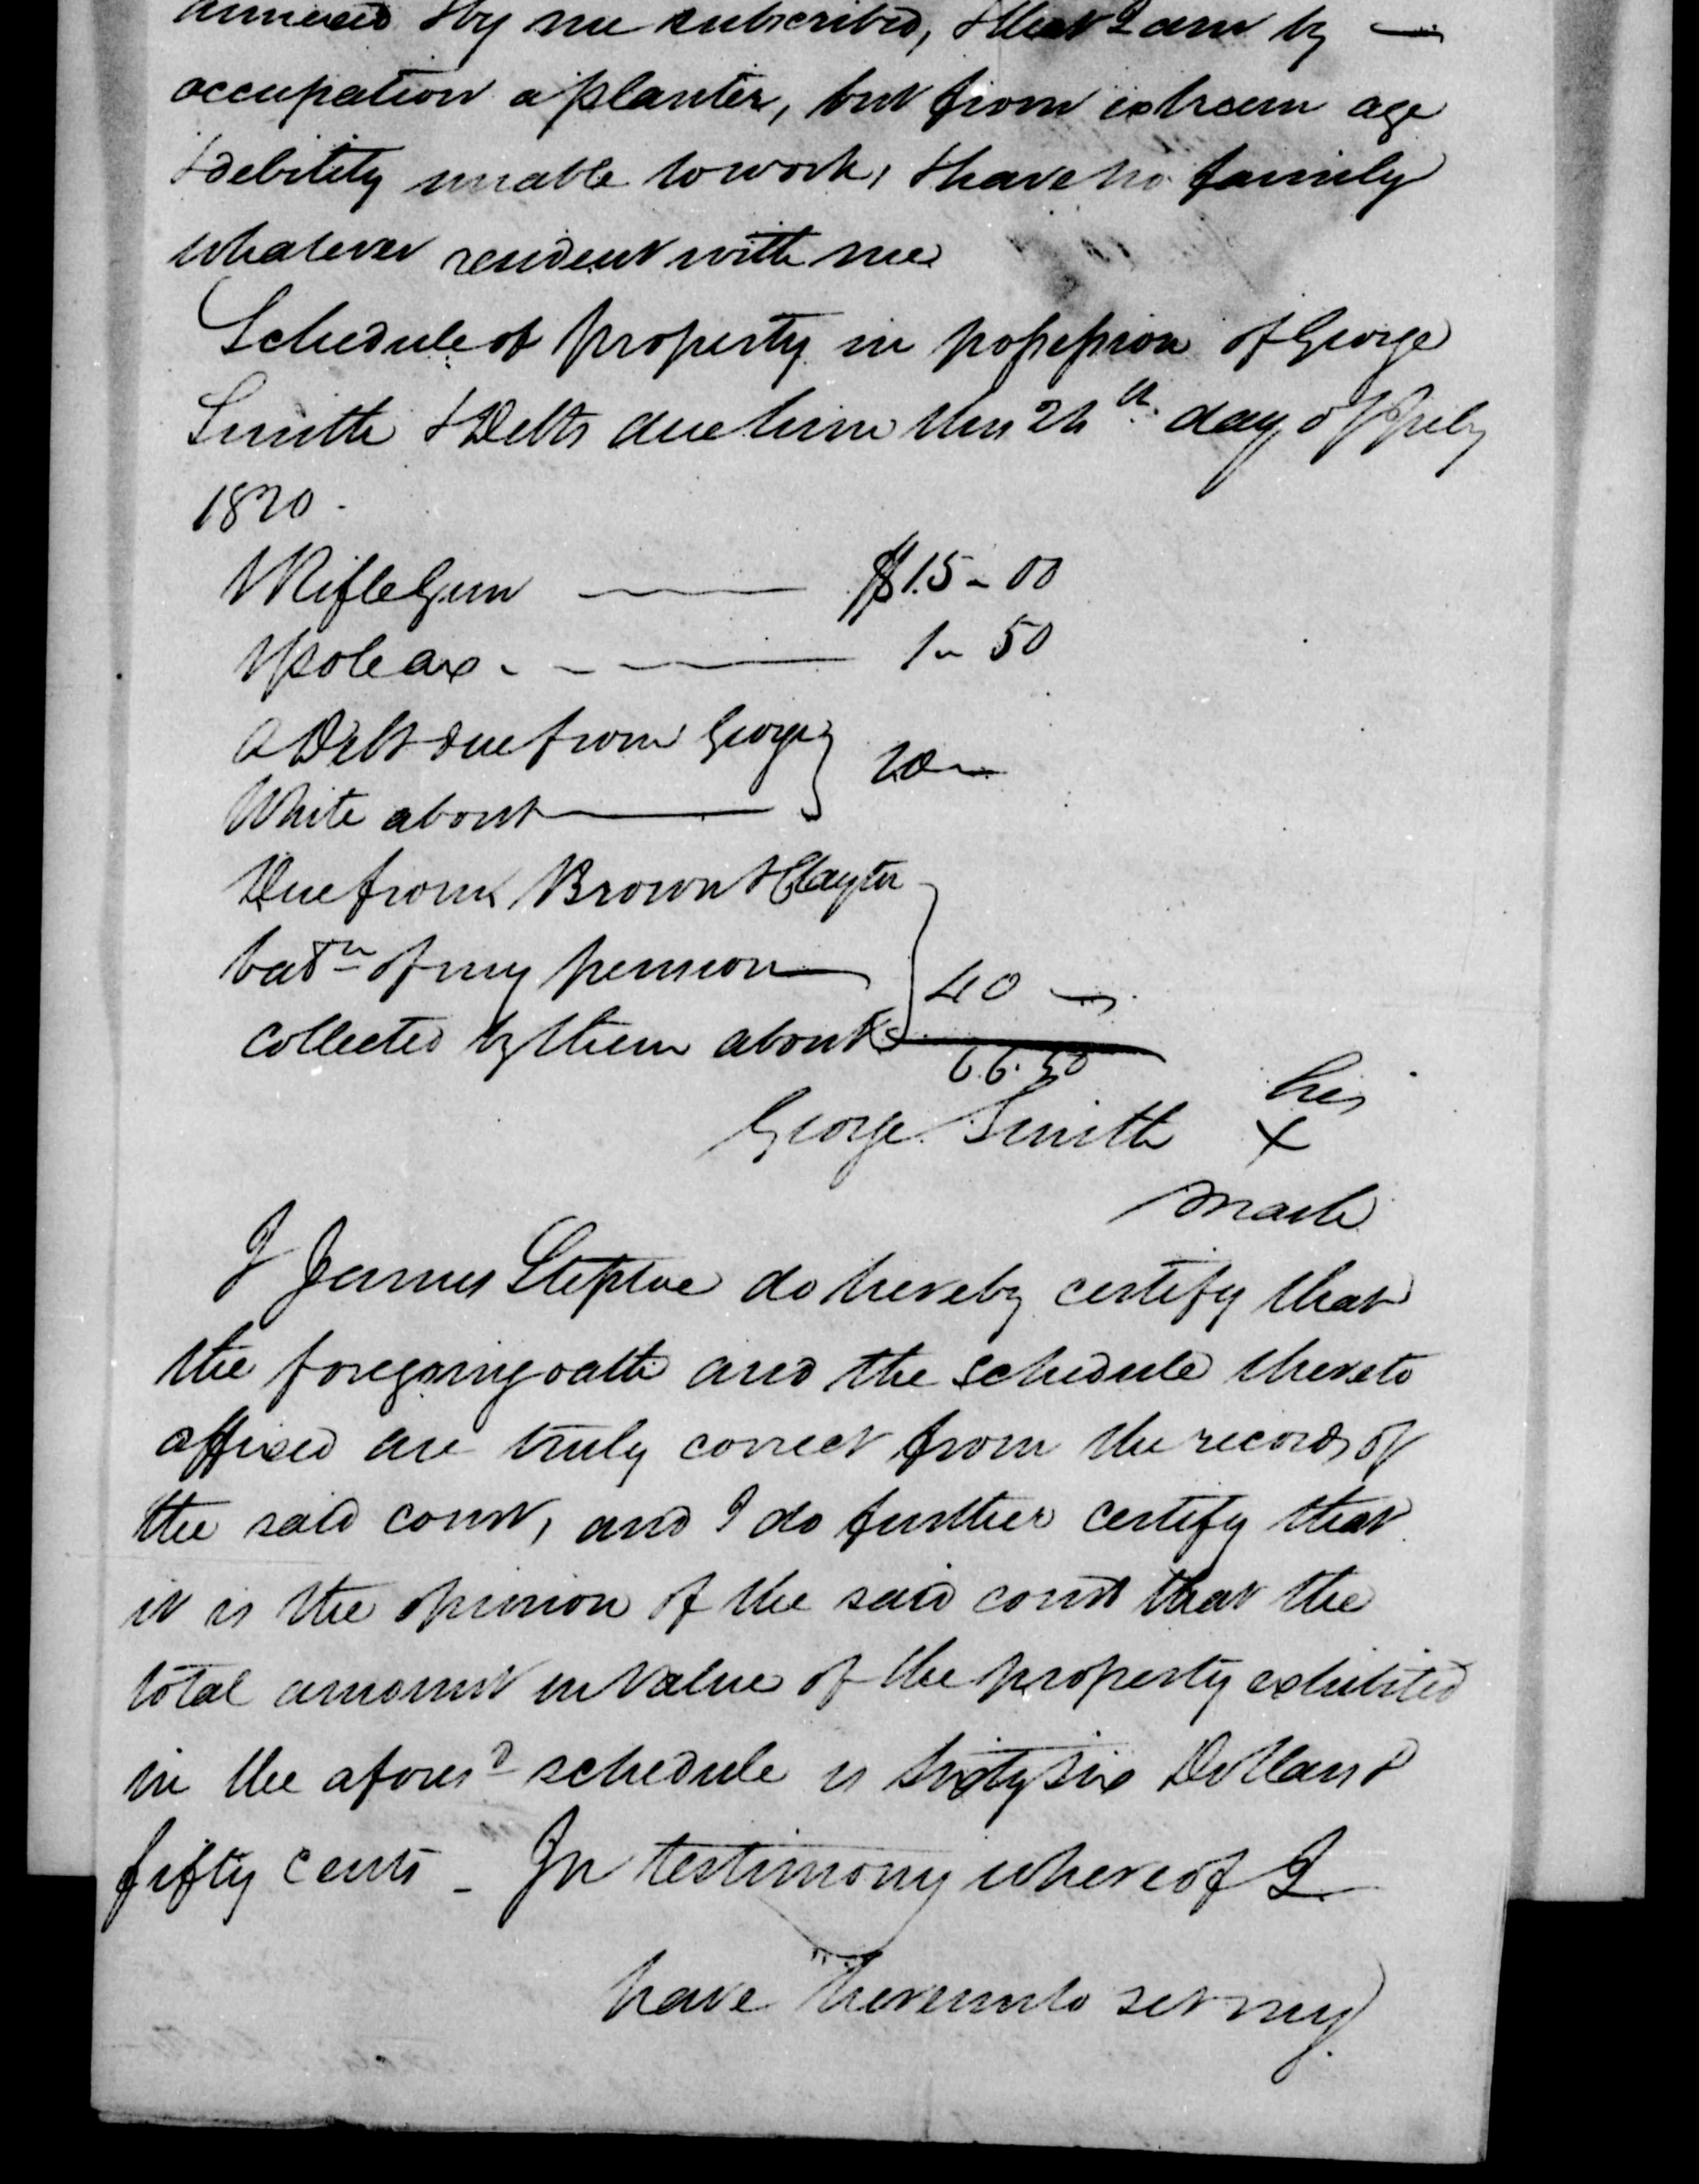annexed & by me subscribed, & that I am by occupation a planter, but from {illegible} age & debility unable to work, & have no family whatever resident with me
Schedule of property in possession of George Smith & Debts due him this 26th day of July 1820. 
1 Rifle Gun ____$15.00
1 poleax ____1.50
A Debt due from George White about 10__
Due from Brown & Clayton {illegible} - of my pension collected by them about 40__
66.50
George Smith his X mark
I James Steptoe do hereby certify that the foregoing oath and the schedule thereto affixed are truly correct from the records of the said court, and I do further certify that it is the opinion of the said court that the total amount in value of the property exhibited in the aforesd schedule is Sixty six Dollars & fifty cents. In testimony whereof I have hereunto set my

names: [BLANK] Brown; [BLANK] Clayter; George Smith; George Smith; George White; James Steptoe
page: 8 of 16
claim: survivor's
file: S. 38,386, for George Smith, Virginia